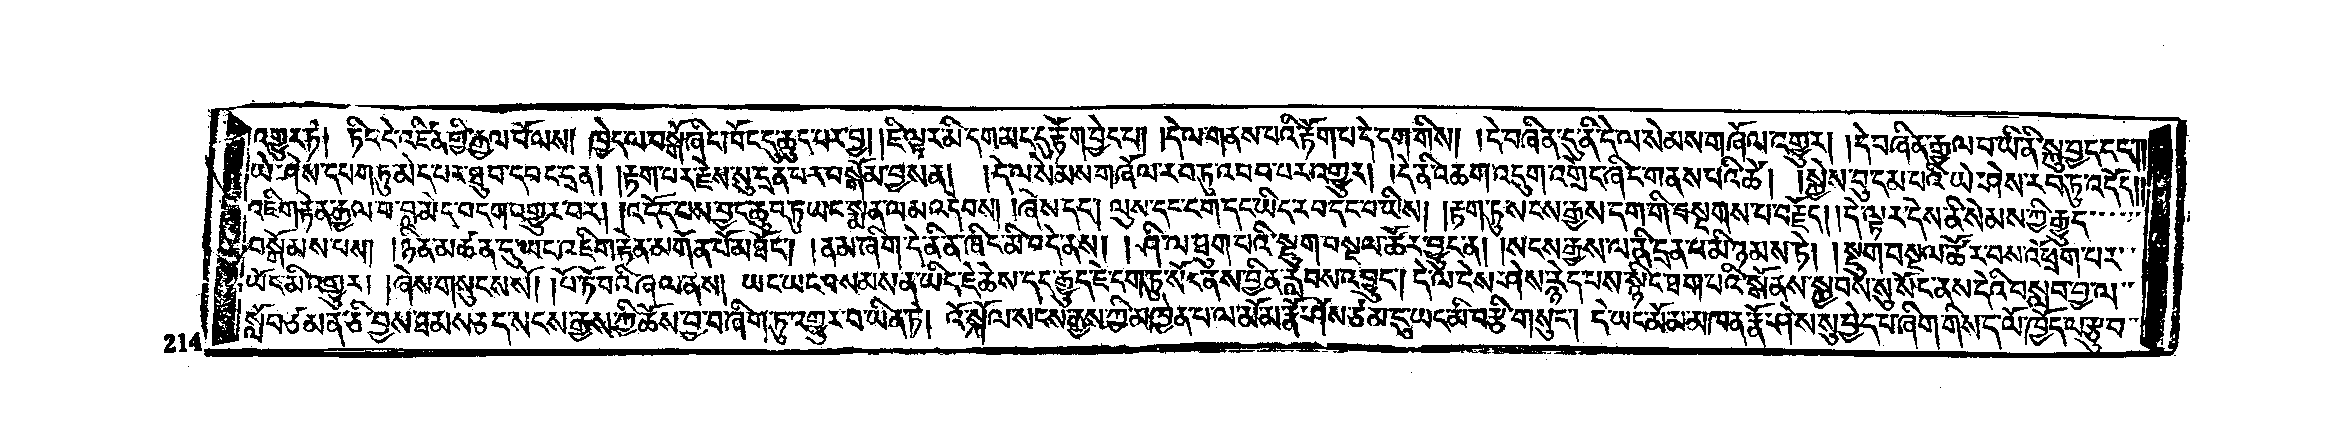འགྱུར་ཏེ། ཏིང་ངེ་འཛིན་གྱི་རྒྱལ་པོ་ལས། ཁྱེད་ལ་བསྒོ་ཞིང་ཁོང་དུ་ཆུད་པར་བྱ། །ཇི་ལྟར་མི་དག་མང་དུ་རྟོག་བྱེད་པ། །དེ་ལ་གནས་པའི་རྟོག་པ་དེ་དག་གིས། །དེ་བཞིན་དུ་ནི་དེ་ལ་སེམས་གཞོལ་འགྱུར། །དེ་བཞིན་རྒྱལ་བ་ཡི་ནི་སྐུ་བྱད་དང་། །
ཡེ་ཤེས་དཔག་ཏུ་མེད་པར་ཐུབ་དབང་དྲན། །རྟག་པར་རྗེས་སུ་དྲན་པར་བསྒོམ་བྱས་ན། །དེ་ལ་སེམས་གཞོལ་རབ་ཏུ་འབབ་པར་འགྱུར། །དེ་ནི་འཆག་འདུག་འགྲེང་ཞིང་གནས་པའི་ཚེ། །སྐྱེས་བུ་དམ་པའི་ཡེ་ཤེས་རབ་ཏུ་འདོད། །
འཇིག་རྟེན་རྒྱལ་བ་བླ་མེད་བདག་འགྱུར་བར། །འདོད་པས་བྱང་ཆུབ་ཏུ་ཡང་སྨོན་ལམ་འདེབས། །ཞེས་དང་། ལུས་དང་ངག་དང་ཡིད་རབ་དང་བ་ཡིས། །རྟག་ཏུ་སངས་རྒྱས་དག་གི་བསྔགས་པ་བརྗོད། །དེ་ལྟར་དེས་ནི་སེམས་ཀྱི་རྒྱུད་
བསྒོམས་པས། །ཉིན་མཚན་དུ་ཡང་འཇིག་རྟེན་མགོན་པོ་མཐོང་། །ནམ་ཞིག་དེ་ནི་ན་ཞིང་མི་བདེ་ནས། །ཤི་ལ་ཐུག་པའི་སྡུག་བསྔལ་ཚོར་བྱུང་ན། །སངས་རྒྱས་ལ་ནི་དྲན་པ་མི་ཉམས་ཏེ། །སྡུག་བསྔལ་ཚོར་བས་འཕྲོག་པར་
ཡོང་མི་འགྱུར། །ཞེས་གསུངས་སོ། །པོ་ཏོ་བའི་ཞལ་ནས། ཡང་ཡང་བསམས་ན་ཡིད་ཇེ་ཆེས་དང་རྒྱུད་ཇེ་དག་ཏུ་སོང་ནས་བྱིན་རླབས་འབྱུང་། དེ་ལ་ངེས་ཤེས་རྙེད་པས་སྙིང་ཐག་པའི་སྒོ་ནས་སྐྱབས་སུ་སོང་ནས་དེའི་བསླབ་བྱ་ལ་
སློབ་ཙམ་ན་ཅི་བྱས་ཐམས་ཅད་སངས་རྒྱས་ཀྱི་ཆོས་བྱ་བ་ཞིག་ཏུ་འགྱུར་བ་ཡིན་ཏེ། འོ་སྐོལ་སངས་རྒྱས་ཀྱི་མཁྱེན་པ་ལ་མོ་མ་རྣོ་ཤོས་ཙམ་དུ་ཡང་མི་བརྩི་གསུངས། དེ་ཡང་མོ་མ་མཁན་རྣོ་ཤོས་སུ་བྱེད་པ་ཞིག་གིས་ད་ལོ་ཁྱོད་ལ་རྩུབ་